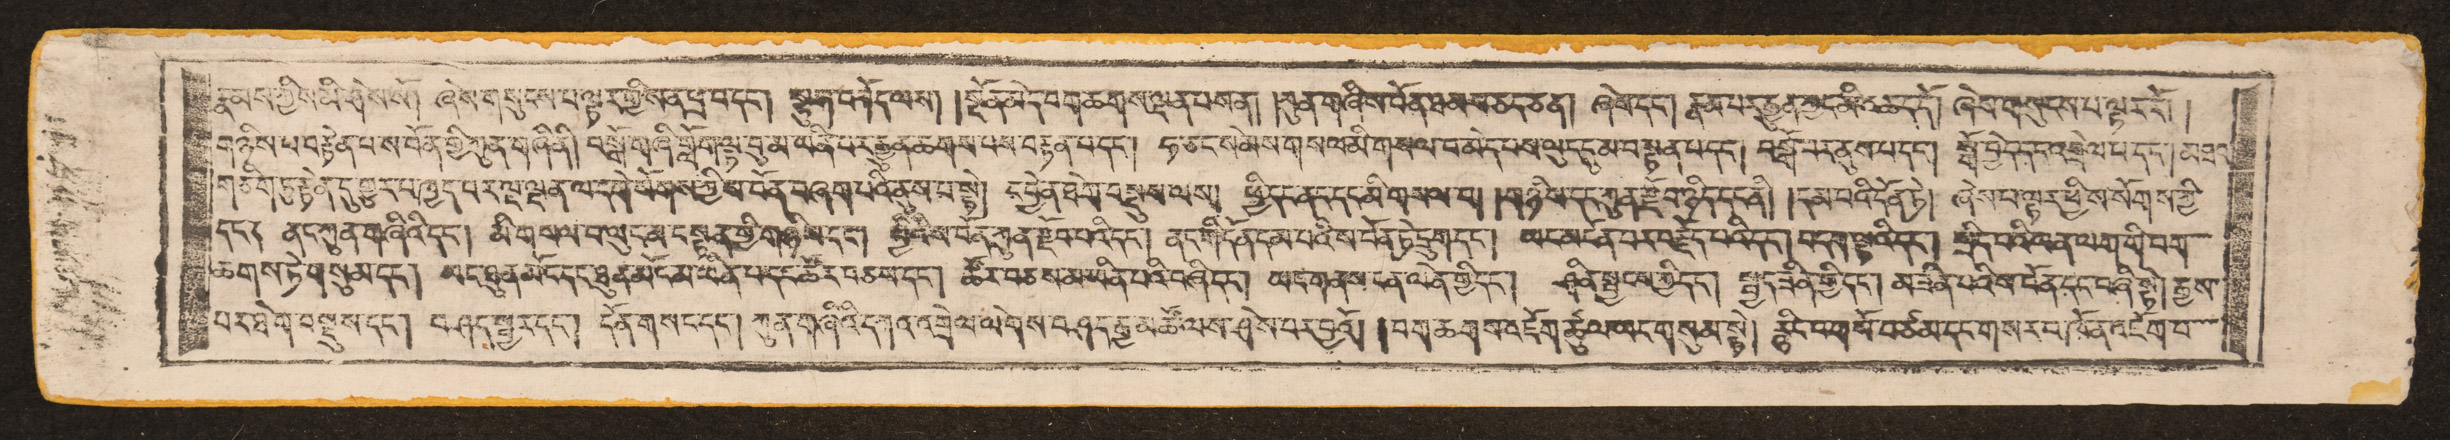རྣམས་ཀྱིས་མི་ཤེས་སོ། ཞེས་གསུངས་པ་ལྟར་གྱིས་ན་ཕྲ་བ་དང་། སྟུག་བཀོད་ལས། །སྔོན་མེད་བག་ཆགས་ལྡན་པས་ན། །ཀུན་གཞི་ས་བོན་ཐམས་ཅད་ཅན། ཞེས་དང་། རྣམ་པར་རྒྱུན་ཀྱང་མི་འཆད་དོ། ཞེས་གསུངས་པ་ལྟར་རོ། །
གཉིས་པ་བརྟེན་པ་ས་བོན་གྱི་ཀུན་གཞི་ནི། བསྒོ་གཞི་གློག་ལྟ་བུ་མ་ཡིན་པར་རྒྱུན་ཆགས་པས་བརྟན་པ་དང་། ཧ་ཅང་སེམས་གསལ་མི་གསལ་བ་མེད་པས་ལུང་དུ་མ་བསྟན་པ་དང་། བསྒོ་བར་ནུས་པ་དང་། སྒོ་བྱེད་དང་འགྲེལ་པ་དང་། མཐའ་
གཅིག་ཏུ་རྟེན་དུ་གྱུར་བ་ཁྱད་པར་ལྔ་ལྡན་ལ་དགེ་སོགས་ཀྱི་ས་བོན་བཞག་པའི་ནུས་པ་སྟེ། དབྱེ་ན་ཐེག་བསྡུས་ལས། ཕྱི་དང་ནང་དང་མི་གསལ་བ། །གཉིས་དང་ཀུན་རྫོབ་ཉིད་དང་ནི། །དམ་པའི་དོན་ཏེ། ཞེས་པ་ལྟར་ཕྱིས་སོགས་ཀྱི་
དང༑ ནང་ཀུན་གཞིའི་དང་། མི་གསལ་བ་ལུང་མ་བསྟན་གྱི་གཉིས་དང་། ཕྱིའི་ས་བོན་ཀུན་རྫོབ་པའི་དང་། ནང་གི་དོན་དམ་པའི་ས་བོན་ཏེ་དྲུག་དང་། ཡང་མངོན་པར་བརྗོད་པའི་དང་། བདག་ལྟའི་དང་། སྲིད་པའི་ཡན་ལག་གི་བག་
ཆགས་ཏེ་གསུམ་དང་། ཡང་ཐུན་མོང་དང་ཐུན་མོང་མ་ཡིན་པ་དང་ཚོར་བཅས་དང་། ཚོར་བཅས་མ་ཡིན་པའི་བཞི་དང་། ཡང་གནས་ངན་ལེན་གྱི་དང་། ཤིན་སྦྱངས་ཀྱི་དང་། སྤྱད་ཟིན་གྱི་དང་། མ་ཟིན་པའི་ས་བོན་དང་བཞི་སྟེ། རྒྱས་
པར་ཐེག་བསྡུས་དང་། བཤད་སྦྱར་དང་། དོན་གསང་དང་། ཀུན་གཞིའི་དཀའ་འགྲེལ་ལེགས་བཤད་རྒྱ་མཚོ་ལས་ཤེས་པར་བྱའོ། །བག་ཆགས་འཇོག་ཚུལ་ཡང་གསུམ་སྟེ། རྙིང་པ་གསོ་བ་ཙམ་དང་གསར་བ་ཁོ་ན་འཇོག་པ་